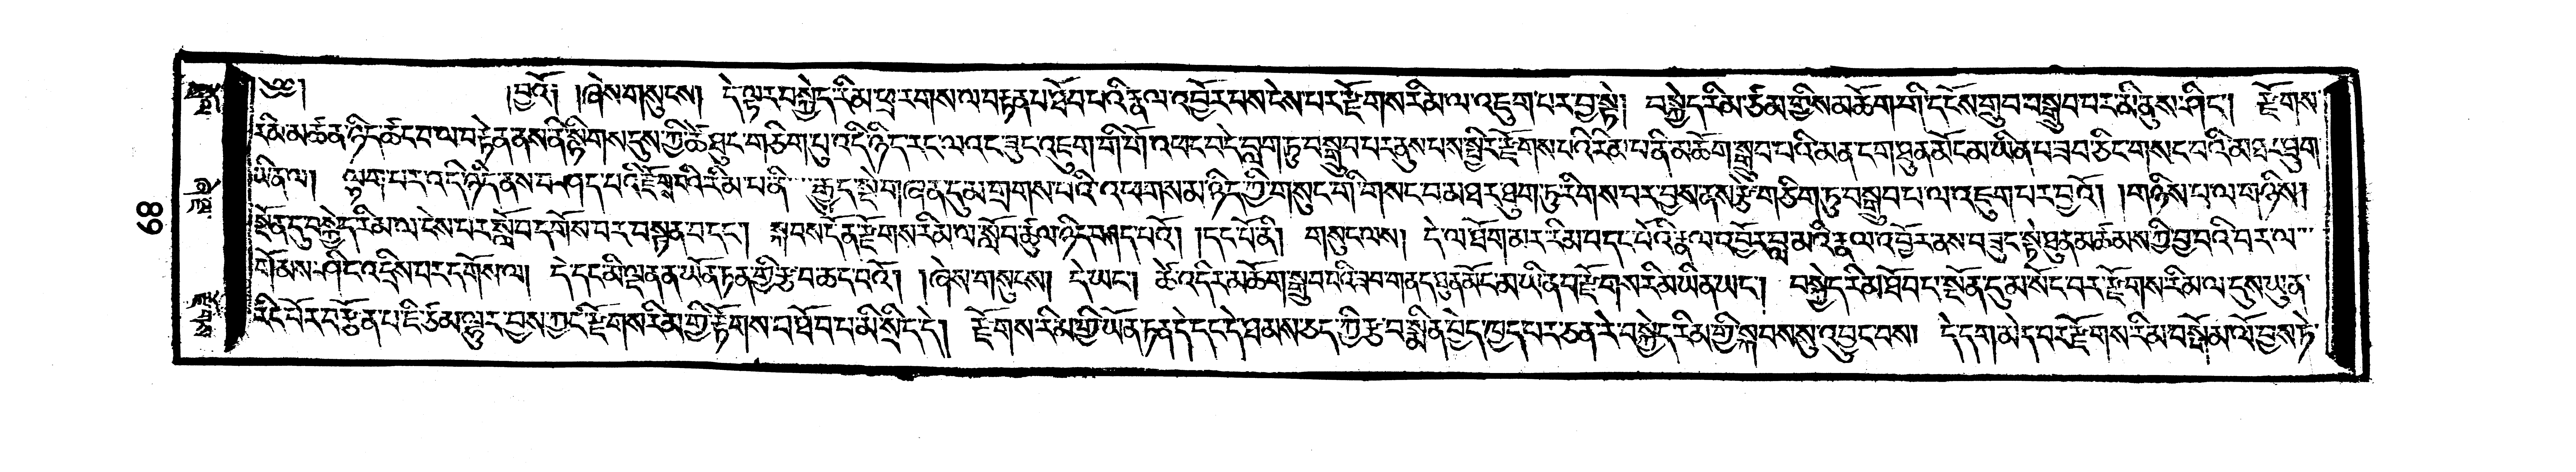༄༅། །བྱའོ༑ །ཞེས་གསུངས། དེ་ལྟར་བསྐྱེད་རིམ་ཕྲ་རགས་ལ་བརྟན་པ་ཐོབ་པའི་རྣལ་འབྱོར་པས་ངེས་པར་རྫོགས་རིམ་ལ་འཇུག་པར་བྱ་སྟེ། བསྐྱེད་རིམ་ཙམ་གྱིས་མཆོག་གི་དངོས་གྲུབ་བསྒྲུབ་པར་མི་ནུས་ཤིང་། རྫོགས་
རིམ་མཚན་ཉིད་ཚང་བ་ལ་བརྟེན་ནས་ནི་སྙིགས་དུས་ཀྱི་ཚེ་ཐུང་གཅིག་བུ་འདི་ཉིད་རང་ལའང་ཟུང་འཇུག་གི་གོ་འཕང་བདེ་བླག་ཏུ་བསྒྲུབ་པར་ནུས་པས་སྤྱིར་རྫོགས་པའི་རིམ་པ་ནི་མཆོག་སྒྲུབ་པའི་མན་ངག་ཐུན་མོང་མ་ཡིན་ཟབ་ཅིང་གསང་བའི་མཐར་ཐུག་
ཡིན་ལ། ལྷག་པར་འདི་ཉིད་ནས་བཤད་པའི་རྫོགས་པའི་རིམ་པ་ནི་རྒྱུད་སྡེ་གཞན་དུ་མ་གྲག་པའི་འཕགས་མ་ཉིད་ཀྱི་གསུང་གི་གསང་བ་མཐར་ཐུག་ཏུ་རིག་པར་བྱས་ནས་རྩེ་གཅིག་ཏུ་བསྒྲུབ་པ་ལ་འཇུག་པར་བྱའོ། །གཉིས་པ་ལ་གཉིས།
སྔོན་དུ་བསྐྱེད་རིམ་ལ་ངེས་པར་སློབ་དགོས་པར་བསྟན་པ་དང་། སྐབས་དོན་རྫོགས་རིམ་ལ་སློབ་ཚུལ་ཉིད་བཤད་པའོ། །དང་པོ་ནི། གསུང་ལས། དེ་ལ་ཐོག་མར་རིམ་པ་དང་པོའི་རྣལ་འབྱོར་བླ་མའི་རྣལ་འབྱོར་ནས་བཟུང་སྟེ་ཐུན་མཚམས་ཀྱི་བྱ་བའི་བར་ལ་
གོམས་ཤིང་འདྲིས་པར་དགོས་ལ། དེ་དང་མི་ལྡན་ན་ཡོན་ཏན་གྱི་རྩ་བ་ཆད་པའོ། །ཞེས་གསུངས། དེ་ཡང་། ཚེ་འདིར་མཆོག་སྒྲུབ་པའི་ཟབ་གནད་ཐུན་མོང་མ་ཡིན་པ་རྫོགས་རིམ་ཡིན་ཡང་། བསྐྱེད་རིམ་ཐོབ་པ་སྔོན་དུ་མ་སོང་བར་རྫོགས་རིམ་ལ་དུས་ཡུན་
རིང་པོར་བརྩོན་པ་ཏི་ཙམ་ལྷུར་བྱས་ཀྱང་རྫོགས་རིམ་གྱི་རྟོགས་པ་ཐོབ་པ་མི་སྲིད་དེ། རྫོགས་རིམ་གྱི་ཡོན་ཏན་དེ་དང་དེ་ཐམས་ཅད་ཀྱི་རྩ་བ་སྨིན་བྱེད་ཁྱད་པར་ཅན་རེ་བསྐྱེད་རིམ་གྱི་སྐབས་སུ་འབྱུང་བས། དེ་དག་མེད་པར་རྫོགས་རིམ་བསྒོམ་ལོ་བྱས་ཏེ་